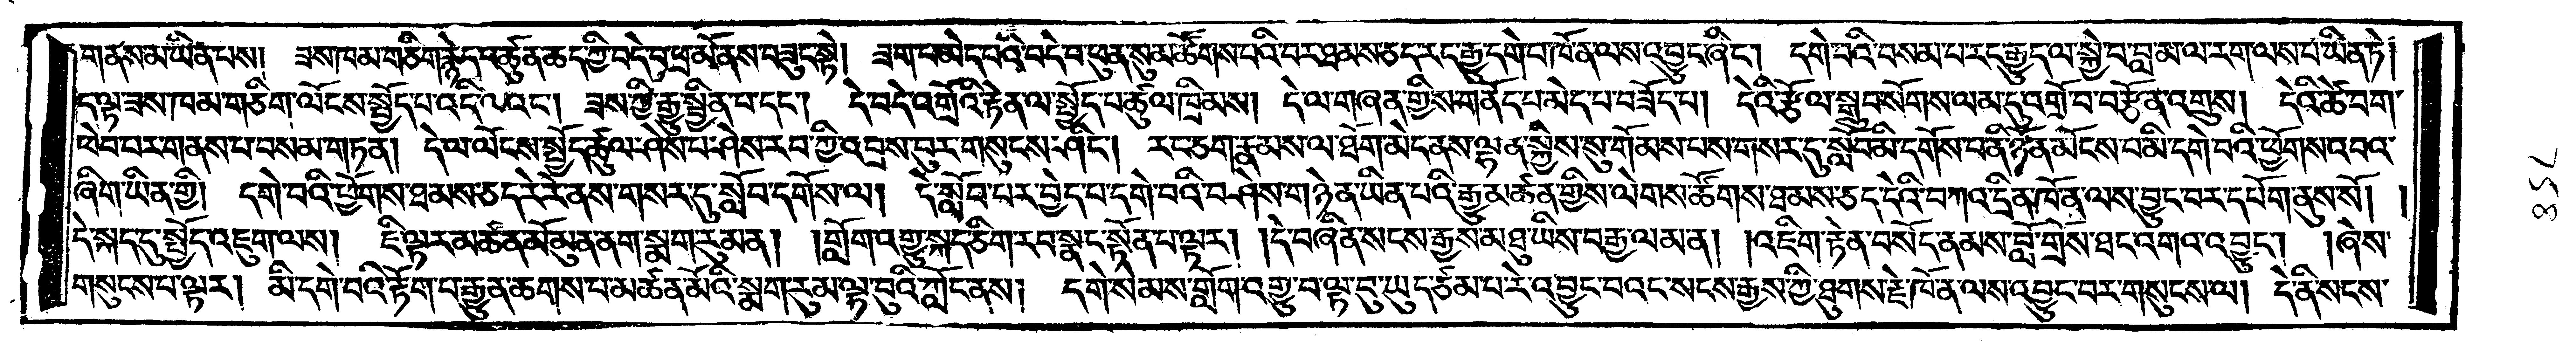གནས་མ་ཡིན་པས། ཟས་ཁམ་གཅིག་རྙེད་པ་ཚུན་ཆད་ཀྱི་བདེ་བ་ཕྲ་མོ་ནས་བཟུང་སྟེ། ཟག་པ་མེད་པའི་བདེ་བ་ཕུན་སུམ་ཚོགས་པའི་བར་ཐམས་ཅད་རང་རྒྱུ་དགེ་བ་ཁོ་ན་ལས་འབྱུང་ཞིང་། དགེ་བའི་བསམ་པ་རང་རྒྱུད་ལ་སྐྱེ་བ་བླ་མ་ལ་རག་ལས་པ་ཡིན་ཏེ།
ད་ལྟ་ཟས་ཁམ་གཅིག་ལོངས་སྤྱོད་པ་འདི་ལའང་། ཟས་ཀྱི་རྒྱུ་སྦྱིན་པ་དང་། དེ་བདེ་འགྲོའི་རྟེན་ལ་སྤྱོད་པ་ཚུལ་ཁྲིམས། དེ་ལ་གཞན་གྱིས་གནོད་པ་མེད་པ་བཟོད་པ། དེའི་རྩོལ་སྒྲུབ་སོགས་ལམ་དུ་འགྲོ་བ་བརྩོན་འགྲུས། དེའི་ཚེ་བག་
ཕེབ་པར་གནས་པ་བསམ་གཏན། དེ་ལ་ལོངས་སྤྱོད་ཚུལ་ཤེས་པ་ཤེས་རབ་ཀྱི་འབྲས་བུར་གསུངས་ཤིང་། རང་ཅག་རྣམས་ལ་ཐོག་མེད་ནས་ལྷན་སྐྱེས་སུ་གོམས་པས་གསར་དུ་སློབ་མི་དགོས་པ་ནི་ཉོན་མོངས་པ་མི་དགེ་བའི་ཕྱོགས་འབའ་
ཞིག་ཡིན་གྱི། དགེ་བའི་ཕྱོགས་ཐམས་ཅད་རེ་རེ་ནས་གསར་དུ་སློབ་དགོས་ལ། དེ་སློབ་པར་བྱེད་པ་དགེ་བའི་བཤེས་གཉེན་ཡིན་པའི་རྒྱུ་མཚན་གྱིས་ལེགས་ཚོགས་ཐམས་ཅད་དེའི་བཀའ་དྲིན་ཁོ་ན་ལས་བྱུང་བར་དཔོག་ནུས་སོ། །
དེ་སྐད་དུ་སྤྱོད་འཇུག་ལས། ཇི་ལྟར་མཚན་མོ་མུན་ནག་སྨག་རུ་མན། །གློག་འགྱུར་སྐད་ཅི་གར་བསྣང་སྟོན་པ་ལྟར། །དེ་བཞིན་ནས་སངས་རྒྱས་མཐུ་ཡིས་བརྒྱ་ལམ་ན། །འཇིག་རྟེན་བསོད་ནམས་བློ་གྲོས་ཐང་འགའ་འབྱུང་། །ཞེས་
གསུངས་པ་ལྟར། མི་དགེ་བའི་རྟོག་པ་རྒྱུན་ཆགས་པ་མཚན་མོའི་སྨག་རུམ་ལྟ་བུའི་ཀློང་ནས། དགེ་སེམས་གློག་འགྱུ་བ་ལྟ་བུ་ཡུད་ཙམ་པ་རེ་འབྱུང་བའང་སངས་རྒྱས་ཀྱི་ཐུགས་རྗེ་ཁོ་ན་ལས་འབྱུང་བར་གསུངས་ལ། དེ་ནི་སངས་